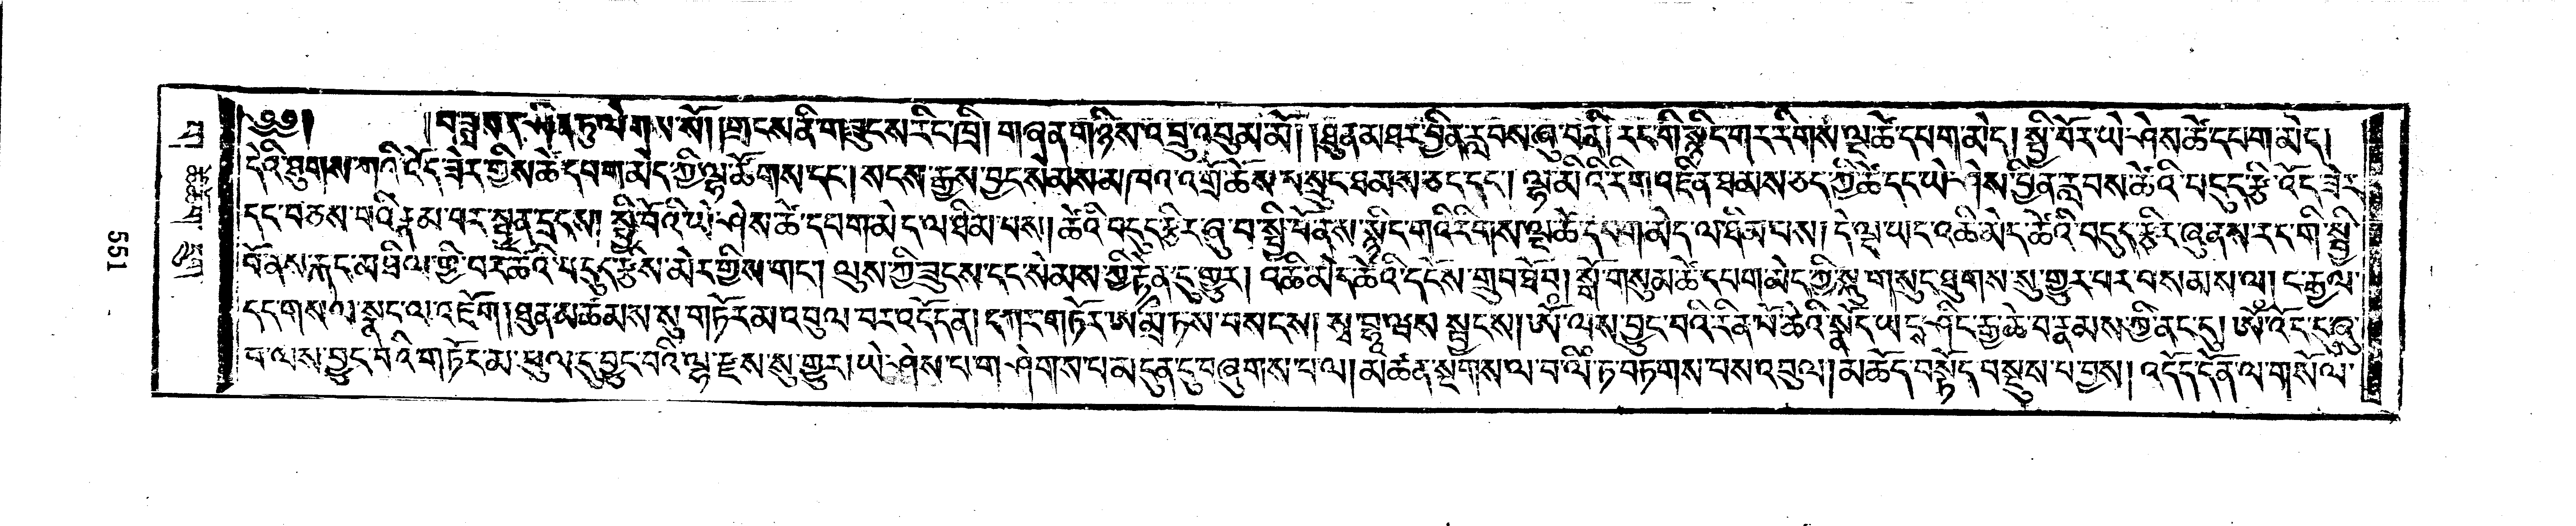༄༅། །བཟླས་ན་ཤིན་ཏུ་ལེགས་སོ། །གྲངས་ནི་གཟུངས་རིང་ཁྲི། གཞན་གཉིས་འབྲུ་འབུམ་མོ། །ཐུན་མཐར་བྱིན་རླབས་ཞུ་བ་ནི། རང་གི་སྙིང་གར་རིགས་ལྔ་ཚེ་དཔག་མེད། སྤྱི་བོར་ཡེ་ཤེས་ཚེ་དཔག་མེད།
དེའི་ཐུགས་ཀའི་འོད་ཟེར་གྱིས་ཚེ་དཔག་མེད་ཀྱི་ལྷ་ཚོགས་དང་། སངས་རྒྱས་བྱང་སེམས་མཁའ་འགྲོ་ཆོས་བསྲུང་ཐམས་ཅད་དང་། ལྷ་མིའི་རིག་འཛིན་ཐམས་ཅད་ཀྱི་ཚེ་དང་ཡེ་ཤེས་བྱིན་རླབས་ཚེའི་བདུད་རྩི་འོད་ཟེར་
དང་བཅས་པའི་རྣམ་པར་སྤྱན་དྲངས། སྤྱི་བོའི་ཡེ་ཤེས་ཚེ་དཔག་མེད་ལ་ཐིམ་པས། ཚེའི་བདུད་རྩིར་ཞུ་བ་སྤྱི་བོ་ནས་སྙིང་གའི་རིགས་ལྔ་ཚེ་དཔག་མེད་ལ་ཐིམ་པས། དེ་ལྔ་ཡང་འཆི་མེད་ཚེའི་བདུད་རྩིར་ཞུ་ནས་རང་གི་སྤྱི་
བོ་ནས་རྐང་མཐིལ་གྱི་བར་ཚེའི་བདུད་རྩིས་མེར་གྱིས་གང་། ལུས་ཀྱི་ཟུངས་དང་སེམས་ཀྱི་རྟེན་དུ་གྱུར། འཆི་མེད་ཚེའི་དངོས་གྲུབ་ཐོབ། སྒོ་གསུམ་ཚེ་དཔག་མེད་ཀྱི་སྐུ་གསུང་ཐུགས་སུ་གྱུར་པར་བསམས་ལ། ང་རྒྱལ་
དང་གསལ་སྣང་ལ་འཇོག །ཐུན་མཚམས་སུ་གཏོར་མ་འབུལ་བར་འདོད་ན། དཀར་གཏོར་ཨ་མྲྀ་ཏས་བསངས། སྭ་བྷཱ་ཝས་སྦྱངས། ཨོཾ་ལས་བྱུང་བའི་རིན་པོ་ཆེའི་སྣོད་ཡངས་ཤིང་རྒྱ་ཆེ་བ་རྣམས་ཀྱི་ནང་དུ། ཨོཾ་འོད་དུ་ཞུ་
བ་ལས་བྱུང་བའི་གཏོར་མ་ཕུལ་དུ་བྱུང་བའི་ལྷ་རྫས་སུ་གྱུར། ཡེ་ཤེས་པ་གཤེགས་པ་མདུན་དུ་བཞུགས་པ་ལ། མཚན་སྔགས་ལ་བ་ལིཾ་ཏ་བཏགས་པས་འབུལ། མཆོད་བསྟོད་བསྡུས་པ་བྱས། འདོད་དོན་ལ་གསོལ་